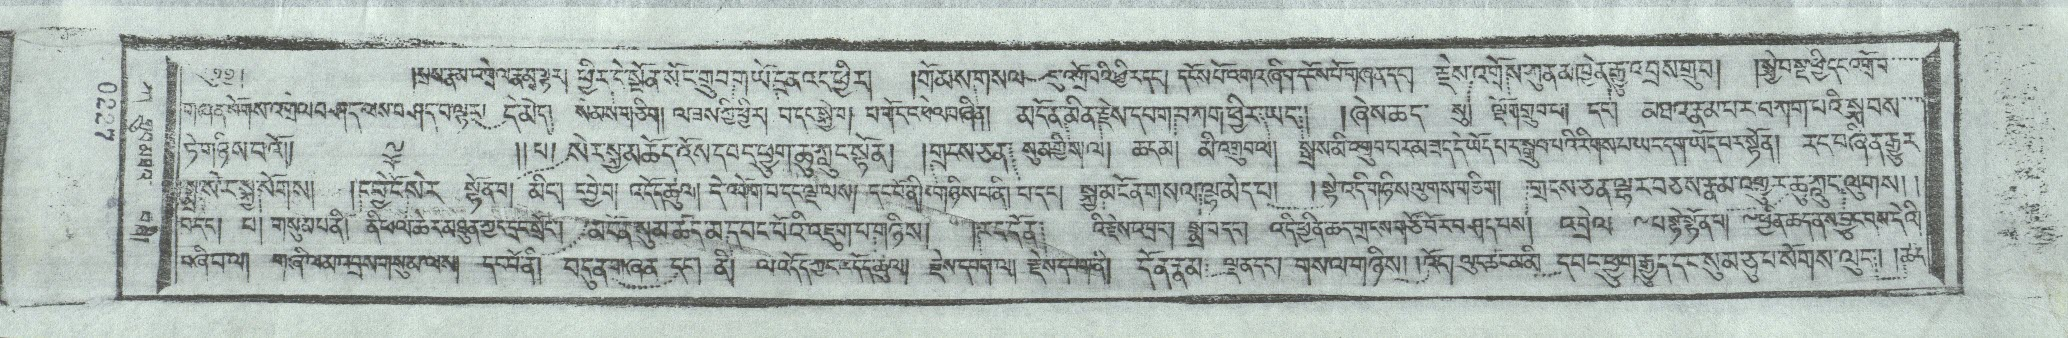༄༅། །སྲས་རྣམ་འགྲེལ་རྣམས་ལྟར། ཕྱིར་དེ་སྔོན་སོང་གྲུབ་གཡོ་དྲན་འང་ཕྱིར། །གོམས་གསལ་དུ་འགྲོ་བའི་ཕྱིར་དང་། དངོས་པོ་འགའ་ཞིག་དངོས་པོ་གཞན་དང་། རྗེས་འགྲོས་ཀུན་མཁྱེན་རྒྱུ་འབྲས་གྲུབ། །སྐྱེ་བ་སྔ་ཕྱི་དང་འགྲོ་བ་
གཞན་སོགས་འགྲེལ་བཤད་ལས་བཤད་བལྟར། །དེ་མེད། སེམས་གཅིག །ལ་ཟས་ཀྱི་ཕྱིར། བ་དང་སྐྱེ་བ། པ་གོ་དང་ཕེལ་བཞིན། མདོན་མིན་རྗེས་དཔག་བཀག་ཕྱིར་ཡང་། །ཞེས་ཆད་སུ། ལྡོག་གྲུབ་པ། དང་། མཐའ་རྣམ་པར་བཀག་པའི་??་བས་
ཏེ་གཉིས་པའོ།། ༈ །།པ། སེར་སྐྱ་མཚོད་འོས་དབང་ཕྱུག་ཆུ་ཀླུང་སྟོན། །གྲགས་ཅན། །སུམ་གྱིས་ལ། ཆང་མ། མི་འགྲུབ་ལ། སྒྲས་མི་བགྲུབ་པར་མ་ཟད་ངེ་ཡོད་པར་སྒྲུབ་པའི་རིགས་པ་ཡང་དག་ཡོད་པར་སྟོན། རང་བཞིན་རྒྱུར་
སྨྲ་སེར་སྒྱ་སོགས། །དབྱེ་ངོ་སེར་སྟོན་པ། མིང་། དབྱེ་བ། འདོད་ཚུལ། དེ་འགོག་བ་དང་ལྔ་ལས། དང་པོ་ནི། གཉིས་པ་ནི། པ་དང་། སྐྱ་མངོན་གསལ་ལྷ་མེད་པ། །སྟེ་འདི་གཉིས་ལུགས་གཅིག །གྲངས་ཅན་ལྷར་བཅས་རྣམ་འགྱུར་ཆུ་ཀླུང་ལུགས།
བདང་། བ། གསུམ་པ་ནི། ནི་ཕལ་ཆེར་མཐུན་ཀྱང་དྲང་སྲོང་། མངོན་སུམ་ཚད་མ་དབང་པོའི་འཇུག་པ་གཉིས། །རང་དོན། འི་རྗེས་འབྲང་། སྨྲ་བ་དང་། འདི་ཕྱིན་ཆད་གྲངས་གཙོ་བོར་བཤད་པས། འབྲེལ་?་པ་སྟེ་སྟོན་པ། ལ་ཕྱེན་ཆད་ནས་བྱུང་པས་དེའི།
བཞི་བ་ལ། གཞི་ལམ་འབྲས་གསུམ་ལས། དང་པོ་ནི། བདུན་བཞན་དང་། ནི། ལ་འདོད་ཀྱང་འདོད་ཚུལ། རྗེས་དཔག་ལ། རྗེས་དཔག་ནི། དོན་རྣམ་ལྡན་དང་། གསལ་གཉིས། །འོད། ལུང་ཚང་མ་ནི། དབང་ཕྱུག་རྒྱུད་དང་སུམ་ཅུ་པ་སོགས་ལུག། ཚད་